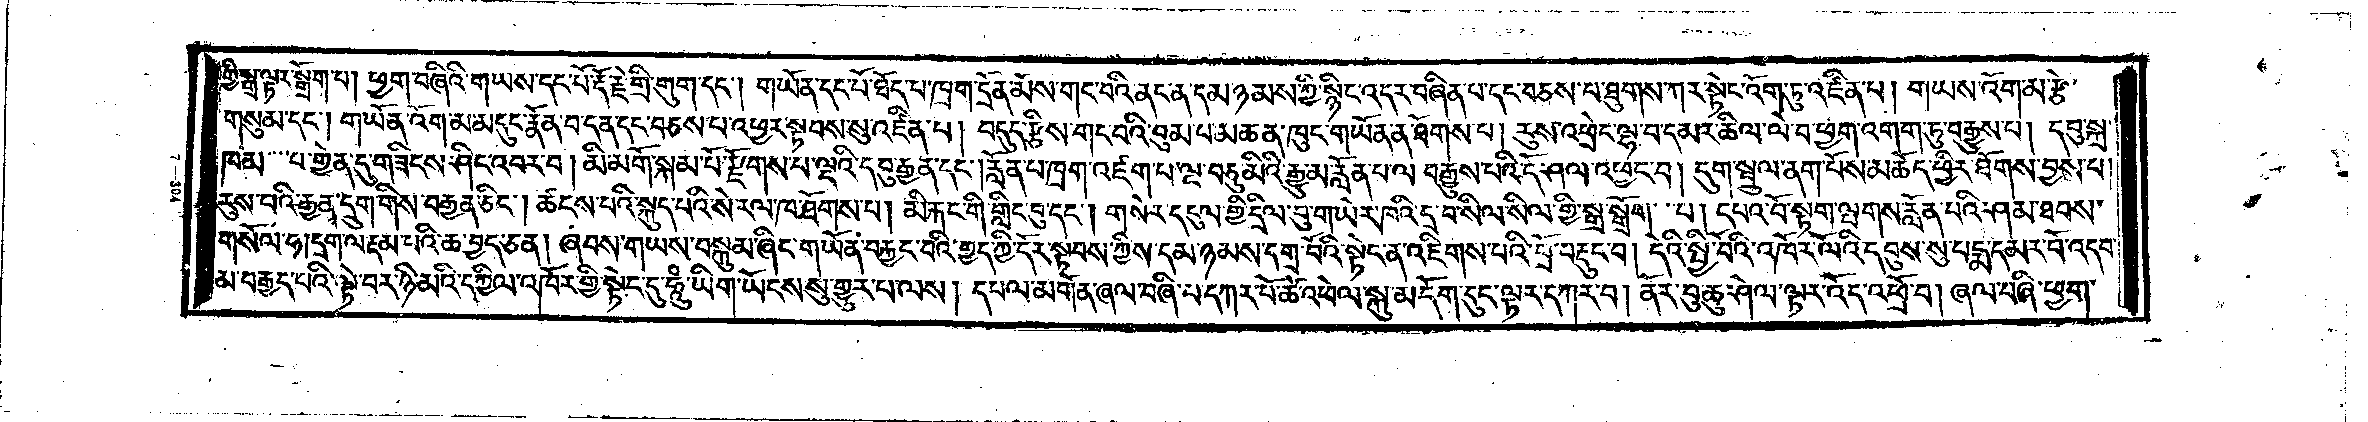གྱི་སྒྲ་ལྟར་སྒྲོག་པ། ཕྱག་བཞིའི་གཡས་དང་པོ་རྡོ་རྗེ་གྲི་གུག་དང་། གཡོན་དང་པོ་ཐོད་པ་ཁྲག་དྲོན་མོས་གང་བའི་ནང་ན་དམ་ཉམས་ཀྱི་སྙིང་འདར་བཞིན་པ་དང་བཅས་པ་ཐུགས་ཀར་སྟེང་འོག་ཏུ་འཛིན་པ། གཡས་འོག་མ་རྩེ་
གསུམ་དང་། གཡོན་འོག་མ་མདུང་རྣོན་བ་དན་དང་བཅས་པ་འཕྱར་སྟབས་སུ་འཛིན་པ། བདུད་རྩིས་གང་བའི་བུམ་པ་མཆན་ཁུང་གཡོན་ན་ཐོགས་པ། རུས་འཕྲོང་ལྷ་བ་དམར་ཆིལ་ལེ་བ་ཕྱག་འགག་ཏུ་བརྒྱུས་བ། དབུ་སྐྲ་
ཁམ་པ་གྱེན་དུ་གཟིངས་ཤིང་འབར་བ། མི་མགོ་སྐམ་པོ་རྫོགས་པ་ལྔའི་དབུ་རྒྱན་དང་། རློན་པ་ཁྲག་འཛག་པ་ལྔ་བཅུ་མིའི་རྒྱུ་མ་རློན་པ་ལ་བརྒྱུས་པའི་དོ་ཤལ་འཕྱང་བ། དུག་སྦྲུལ་ནག་པོས་མཆོད་ཕྱིར་ཐོགས་བྱས་པ་
རུས་པའི་རྒྱན་དྲུག་གིས་བརྒྱན་ཅིང་། ཚངས་པའི་སྐུད་བའི་སེ་རལ་ཁ་ཐོགས་པ། མི་རྐང་གི་གླིང་བུ་དང་། གསེར་དངུལ་གྱི་དྲིལ་བུ་གཡེར་ཁའི་དྲ་བ་སིལ་སིལ་གྱི་སྒྲ་སྒྲོག་པ། དཔའ་བོ་སྟག་ལྤགས་རློན་པའི་ཤམ་ཐབས་
གསོལ་བ། དྲག་ལ་རྔམ་པའི་ཆ་བྱད་ཅན། ཞབས་གཡས་བསྐུམ་ཞིང་གཡོན་བརྐྱང་བའི་གྱད་ཀྱི་དོར་སྟབས་ཀྱིས་དམ་ཉམས་དགྲ་བོའི་སྟེང་ན་འཇིགས་པའི་བྲོ་བརྡུང་བ། དེའི་སྤྱི་བོའི་འཁོར་ལོའི་དབུས་སུ་པདམ་དམར་པོ་འདབ་
མ་བརྒྱད་པའི་ལྟེ་བར་ཉི་མའི་དཀྱིལ་འཁོར་གྱི་སྟེང་དུ་ཧཱུཾ་ཡིག་ཡོངས་སུ་གྱུར་པ་ལས། དཔལ་མགོན་ཞལ་བཞི་པ་དཀར་པོ་ཚེ་འཕེལ་སྐུ་མདོག་དུང་ལྟར་དཀར་བ། ནོར་བུ་ཆུ་ཤེལ་ལྟར་འོད་འཕྲོ་བ། ཞལ་བཞི་ཕྱག་